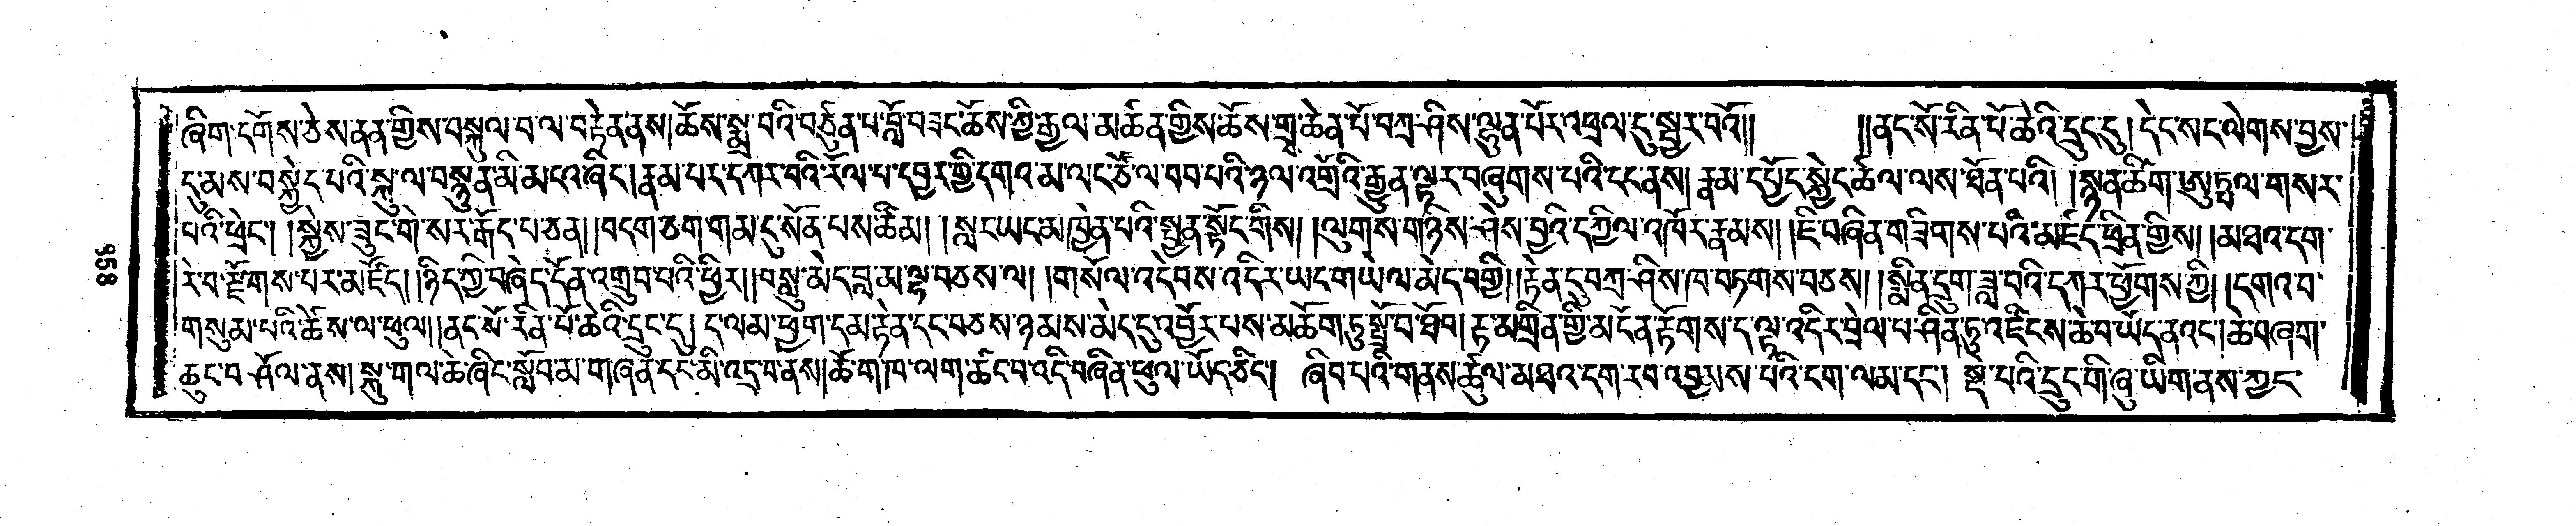ཞིག་དགོས་ཅེས་ནན་གྱིས་བསྐུལ་བ་ལ་བརྟེན་ནས། ཆོས་སྨྲ་བའི་བཙུན་པ་བློ་བཟང་ཆོས་ཀྱི་རྒྱལ་མཚན་གྱིས་ཆོས་གྲྭ་ཆེན་པོ་བཀྲ་ཤིས་ལྷུན་པོར་འཕྲལ་དུ་སྦྱར་བའོ།། །།ནང་སོ་རིན་པོ་ཆེའི་དྲུང་དུ། དེང་སང་ལེགས་བྱས་
དུ་མས་བསྐྱེད་པའི་སྐུ་ལ་བསྙུན་མི་མངའ་ཞིང་། རྣམ་པར་དཀར་བའི་རོལ་པ་དབྱར་གྱི་དགའ་མ་ལང་ཙོ་ལ་བབ་པའི་ཉལ་འགྲོའི་རྒྱུན་ལྟར་བཞུགས་པའི་ངང་ནས། རྣམ་དཔྱོད་སྐྱེད་ཚལ་ལས་ཐོན་པའི། །སྙན་ཚིག་ཨུཏྤལ་གསར་
པའི་ཕྲེང་། །སྐྱེས་ཟུང་གེ་སར་རྒོད་པ་ཅན། །བདག་ཅག་གམ་དུ་སོན་པས་ཚིམ། །སླར་ཡང་མཁྱེན་པའི་སྤྱན་སྟོང་གིས། །ལུགས་གཉིས་ཤེས་བྱའི་དཀྱིལ་འཁོར་རྣམས། །ཇི་བཞིན་གཟིགས་པའི་མཛད་ཕྲིན་གྱིས། །མཐའ་དག་
རེ་བ་རྫོགས་པར་མཛོད། །ཉིད་ཀྱི་བཞེད་དོན་འགྲུབ་པའི་ཕྱིར། །བསླུ་མེད་བླ་མ་ལྷ་བཅས་ལ། །གསོལ་འདེབས་འདིར་ཡང་གཡེལ་མེད་བགྱི། །རྟེན་དུ་བཀྲ་ཤིས་ཁ་བཏགས་བཅས། །སྨིན་དྲུག་ཟླ་བའི་དཀར་ཕྱོགས་ཀྱི། །དགའ་བ་
གསུམ་པའི་ཚེས་ལ་ཕུལ། །ནང་སོ་རིན་པོ་ཆེའི་དྲུང་དུ། ད་ལམ་ཕྱག་དམ་རྟེན་དང་བཅས་ཉམས་མེད་དུ་འབྱོར་པས་མཆོག་ཏུ་སྤྲོ་བ་ཐོབ། རྟ་མགྲིན་གྱི་མངོན་རྟོགས་ད་ལྟ་འདིར་བྲེལ་བ་ཤིན་ཏུ་འཛིངས་ཆེ་བ་ཡོད་ནའང་། ཆེ་བཞག་
ཆུང་བཤོལ་ནས། སྐུ་གལ་ཆེ་ཞིང་སློབ་མ་གཞན་དང་མི་འདྲ་བ་ནས། ཆོ་ག་ཁ་ལག་ཚང་བ་འདི་བཞིན་ཕུལ་ཡོད་ཅིང་། ཞིབ་པའི་གནས་ཚུལ་མཐའ་དག་རབ་འབྱམས་པའི་ངག་ལམ་དང་། སྡེ་པའི་དྲུང་གི་ཞུ་ཡིག་ནས་ཀྱང་